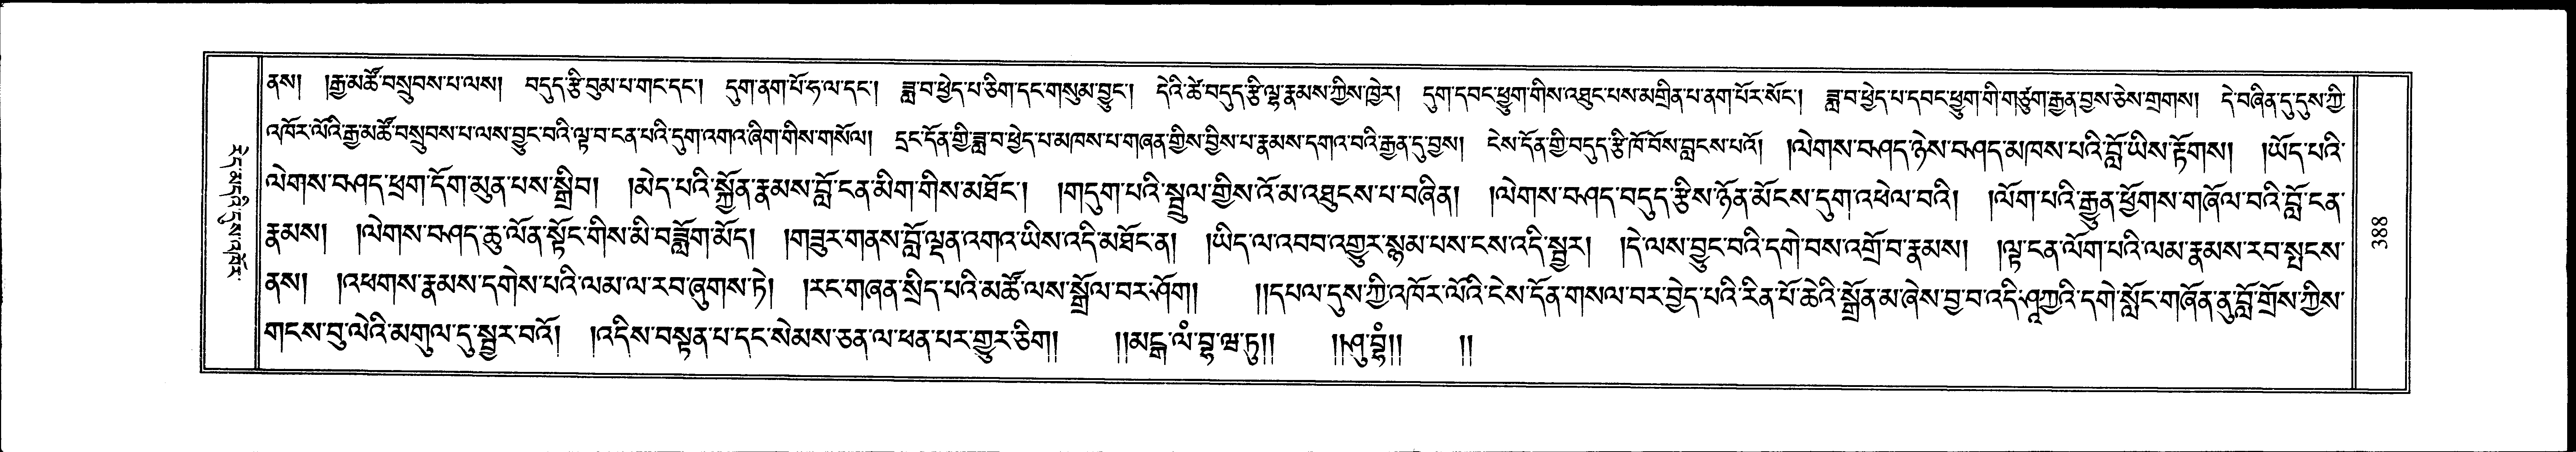ནས། །རྒྱ་མཚོ་བསྲུབས་པ་ལས། བདུད་རྩི་བུམ་པ་གང་དང་། དུག་ནག་པོ་ཧ་ལ་དང་། ཟླ་བ་ཕྱེད་པ་ཅིག་དང་གསུམ་བྱུང་། དེའི་ཚེ་བདུད་རྩི་ལྷ་རྣམས་ཀྱིས་ཁྱེར། དུག་དབང་ཕྱུག་གིས་འཐུང་པས་མགྲིན་པ་ནག་པོར་སོང་། ཟླ་བ་ཕྱེད་པ་དབང་ཕྱུག་གི་གཙུག་རྒྱན་བྱས་ཅེས་གྲགས། དེ་བཞིན་དུ་དུས་ཀྱི་
འཁོར་ལོའི་རྒྱ་མཚོ་བསྲུབས་པ་ལས་བྱུང་བའི་ལྟ་བ་ངན་པའི་དུག་འགའ་ཞིག་གིས་གསོལ། །དྲང་དོན་གྱི་ཟླ་བ་ཕྱེད་པ་མཁས་པ་གཞན་གྱིས་བྱིས་པ་རྣམས་དགའ་བའི་རྒྱན་དུ་བྱས། ངེས་དོན་གྱི་བདུད་རྩི་ཁོ་བོས་བླངས་པའོ། །ལེགས་བཤད་ཉེས་བཤད་མཁས་པའི་བློ་ཡིས་རྟོགས། །ཡོད་པའི་
ལེགས་བཤད་ཕྲག་དོག་མུན་པས་སྒྲིབ། །མེད་པའི་སྐྱོན་རྣམས་བློ་ངན་མིག་གིས་མཐོང་། །གདུག་པའི་སྦྲུལ་གྱིས་འོ་མ་འཐུངས་པ་བཞིན། །ལེགས་བཤད་བདུད་རྩིས་ཉོན་མོངས་དུག་འཕེལ་བའི། །ལོག་པའི་རྒྱུན་ཕྱོགས་གཞོལ་བའི་བློ་ངན་
རྣམས། །ལེགས་བཤད་ཆུ་ལོན་སྟོང་གིས་མི་བཟློག་མོད། །གཟུར་གནས་བློ་ལྡན་འགའ་ཡིས་འདི་མཐོང་ན། །ཡིད་ལ་འབབ་འགྱུར་སྙམ་པས་ངས་འདི་སྦྱར། །དེ་ལས་བྱུང་བའི་དགེ་བས་འགྲོ་བ་རྣམས། །ལྟ་ངན་ལོག་པའི་ལམ་རྣམས་རབ་སྤངས་
གངས་བུ་ལེའི་མགུལ་དུ་སྦྱར་བའོ། །འདིས་བསྟན་པ་དང་སེམས་ཅན་ལ་ཕན་པར་གྱུར་ཅིག། །།མངྒ་ལཾ་བྷ་ཝ་ཏུ།། །།ཤུ་བྷ།། །